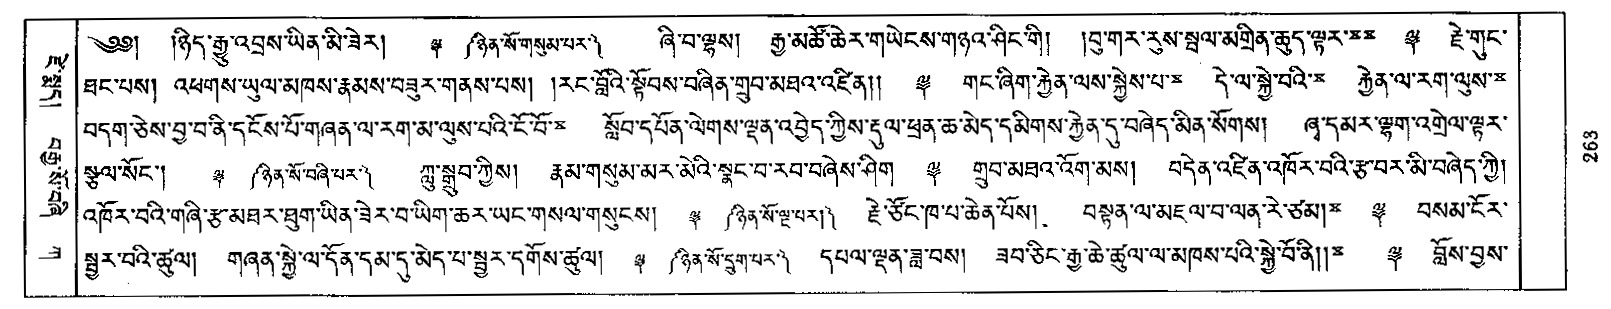༄༅། །ཉིད་རྒྱུ་འབྲས་ཡིན་མི་ཟེར། ༈ ཉིན་སོ་གསུམ་པར྄་ཞི་བ་ལྷས། རྒྱ་མཚོ་ཆེར་གཡེངས་གཉའ་ཤིང་གི། །བུ་གར་རུས་སྦལ་མགྲིན་ཆུད་ལྟར་྾྾་༈ རྗེ་གུང་
ཐང་པས། འཕགས་ཡུལ་མཁས་རྣམས་བཟུར་གནས་པས། །རང་བློའི་སྟོབས་བཞིན་གྲུབ་མཐའ་འཛིན།། ༈ གང་ཞིག་རྐྱེན་ལས་སྐྱེས་པ་྾་དེ་ལ་སྐྱེ་བའི་྾་རྐྱེན་ལ་རག་ལུས་྾་
བདག་ཅེས་བྱ་བ་ནི་དངོས་པོ་གཞན་ལ་རག་མ་ལུས་པའི་ངོ་བོ་྾་སློབ་དཔོན་ལེགས་ལྡན་འབྱེད་ཀྱིས་རྡུལ་ཕྲན་ཆ་མེད་དམིགས་རྐྱེན་དུ་བཞེད་མིན་སོགས། ཞྭ་དམར་ལྷག་འགྲེལ་ལྟར་
སྩལ་སོང་། ༈ ཉིན་སོ་བཞི་པར྄་ཀླུ་སྒྲུབ་ཀྱིས། རྣམ་གསུམ་མར་མེའི་སྣང་བ་རབ་བཞེས་ཤིག ༈ གྲུབ་མཐའ་འོག་མས། བདེན་འཛིན་འཁོར་བའི་རྩ་བར་མི་བཞེད་ཀྱི།
འཁོར་བའི་གཞི་རྩ་མཐར་ཐུག་ཡིན་ཟེར་བ་ཡིག་ཆར་ཡང་གསལ་གསུངས། ༈ ཉིན་སོ་ལྔ་པར།?་རྗེ་ཙོང་ཁ་པ་ཆེན་པོས། བསྟན་ལ་མཇལ་བ་ལན་རེ་ཙམ། ྾་༈ བསམ་ངོར་
སྦྱར་བའི་ཚུལ། གཞན་སྐྱེ་ལ་དོན་དམ་དུ་མེད་པ་སྦྱར་དགོས་ཚུལ། ༈ ཉིན་སོ་དྲུག་པར྄་དཔལ་ལྡན་ཟླ་བས། ཟབ་ཅིང་རྒྱ་ཆེ་ཚུལ་ལ་མཁས་པའི་སྐྱེ་བོ་ནི།། ྾་༈ བློས་བྱས་